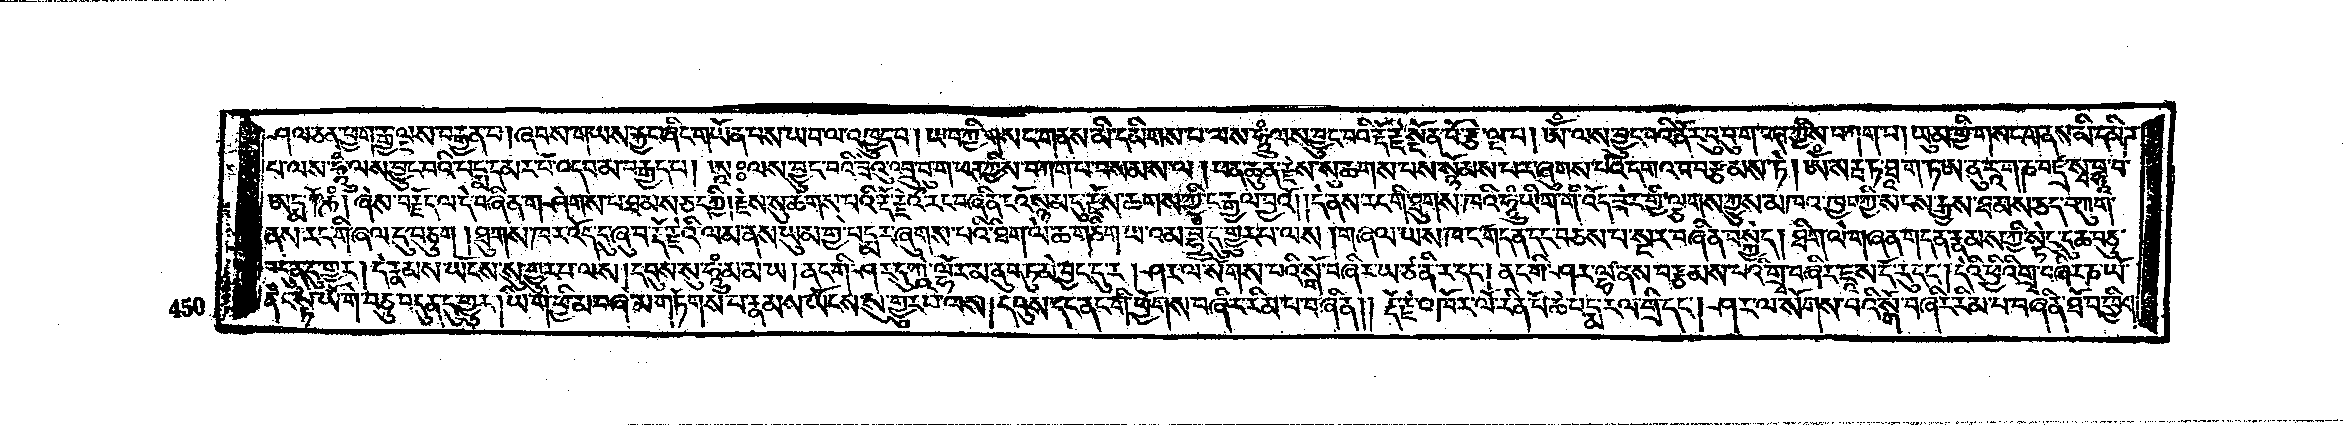ཤལ་ཅན་ཕྱག་རྒྱ་ལྔས་བརྒྱན་པ། ཞབས་གཡས་རྐྱང་ཞིང་གཡོན་པས་ཡབ་ལ་འཁྱུད་པ། ཡབ་ཀྱི་གསང་གནས་མི་དམིགས་པ་ལས་ཧཱུཾ་ལས་བྱུང་བའི་རྡོ་རྗེ་སྔོན་པོ་རྩེ་ལྔ་པ། ཨོཾ་ལས་བྱུང་བའི་ནོར་བུ་བུ་ག་ཕཊ་ཀྱིས་བཀག་པ། ཡུམ་གྱི་གསང་གནས་མི་དམིགས་
པ་ལས་ཧཱུཾ་ལས་བྱུང་བའི་པདམ་དམར་པོ་འདབ་མ་བརྒྱད་པ། ཨཱཿ ལས་བྱུང་བའི་ཟེའུ་འབྲུ་བུ་ག་ཕཊ་ཀྱིས་བཀག་པ་བསམས་ལ། ཕན་ཚུན་རྗེས་སུ་ཆགས་པས་སྙོམས་པར་ཞུགས་པའི་དགའ་བ་བརྩམས་ཏེ། ཨོཾ་སརྦ་ཏ་ཐཱ་ག་ཏ་ཨ་ནུ་རཱ་ག་ཎ་བཛྲ་སྭ་བྷཱ་བ་
ཨདམ་ཀོཉཧཾ། ཞེས་བརྗོད་ལ་དེ་བཞིན་གཤེགས་པ་ཐམས་ཅད་ཀྱི། རྗེས་སུ་ཆགས་པའི་རྡོ་རྗེའི་རང་བཞིན་ངའོ་སྙམ་དུ་རྗོས་ཆགས་ཀྱི་ང་རྒྱལ་བྱའོ། །དེ་ནས་རང་གི་ཐུགས་ཁའི་ཧཱུཾ་ཡིག་གི་འོད་ཟེར་གྱི་ལྕགས་ཀྱུས་མཁའ་ཁྱབ་ཀྱི་སངས་རྒྱས་ཐམས་ཅད་བཀུག་
ནས་རང་གི་ཞལ་དུ་བཅུག །ཐུགས་ཁར་འོད་དུ་ཞུ་བ་རྡོ་རྗེའི་ལམ་ནས་ཡུམ་གྱི་པདམར་ཞུགས་པའི་ཐིག་ལེ་ཆ་གཅིག་ཡ་འམ་བྷྲུཾ་དུ་གྱུར་པ་ལས། གཞལ་ཡས་ཁང་གདན་དང་བཅས་པ་སྔར་བཞིན་བསྐྱེད། ཐིག་ལེ་གཞན་གདན་རྣམས་ཀྱི་སྟེང་དུ་ཆ་བཅུ་
བདུན་དུ་གྱུར། དེ་རྣམས་ཡོངས་སུ་གྱུར་པ་ལས། དབུས་སུ་ཧཱུཾ་མ་མ་ཡ། ནང་གི་ཤར་དུ་ཀྵེ་ལྷོར་མ་ནུབ་ཏུ་མེ་བྱང་དུ་ར། ཤར་ལ་སོགས་པའི་སྒོ་བཞིར་ཡ་ཙ་ནི་ར་དང་། ནང་གི་ཤར་ལྷ་ནས་བརྩམས་པའི་གྲྭ་བཞིར་ཇཱ་ས་དོ་རུ་དང་། དེའི་ཕྱིའི་གྲྭ་བཞིར་ཎ་ཡོ་
ནི་ར་སྟེ་ཡི་གེ་བཅུ་བདུན་དུ་གྱུར། ཡི་གེ་ཕྱི་མ་བཞི་མ་གཏོགས་པ་རྣམས་ཡོངས་སུ་གྱུར་པ་ལས། དབུས་དང་ནང་གི་ཕྱོགས་བཞིར་རིམ་པ་བཞིན། །རྡོ་རྗེ་འཁོར་ལོ་རིན་པོ་ཆེ་པདམ་རལ་གྲི་དང་། ཤར་ལ་སོགས་པའི་སྒོ་བཞིར་རིམ་པ་བཞིན་ཐོ་བ་དབྱིག་